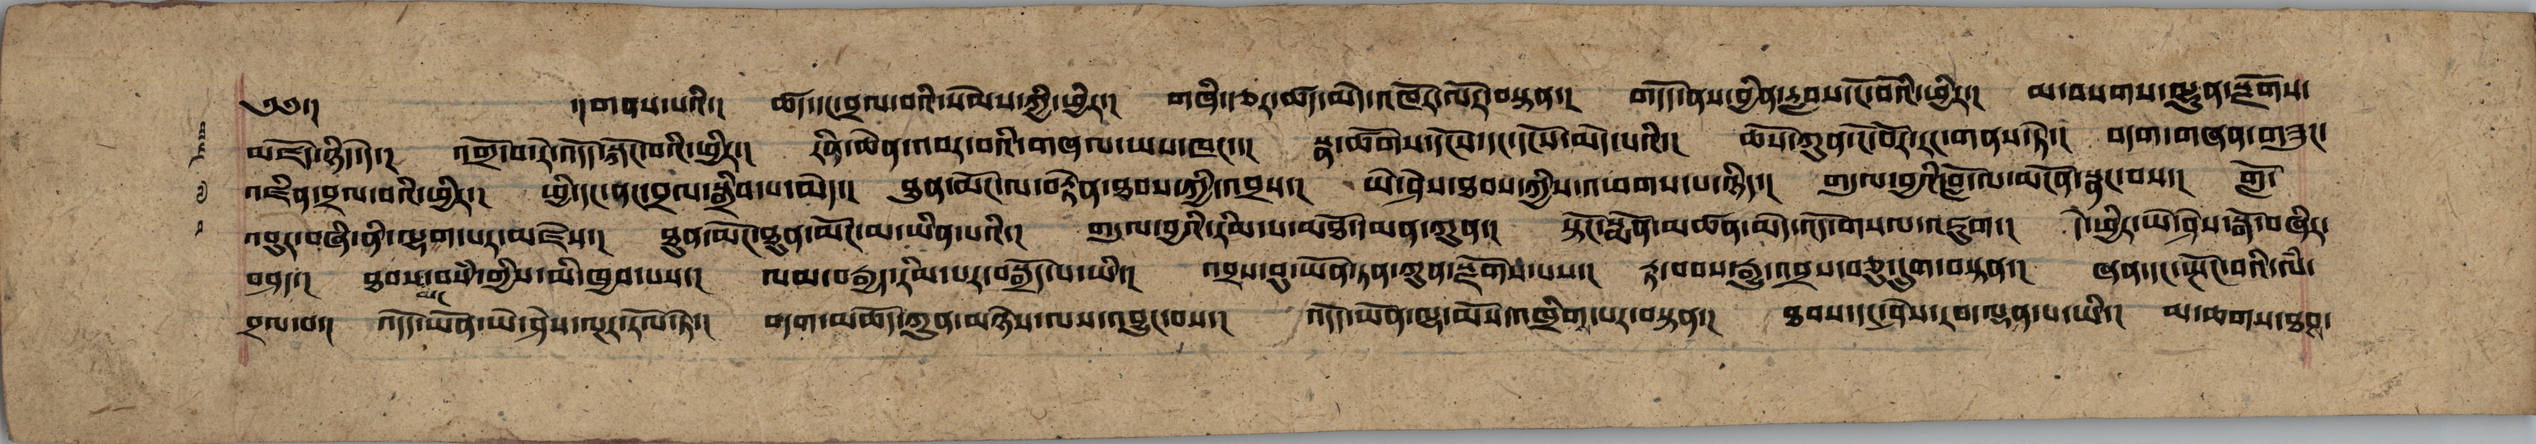༄༅་། ་།གནས་པའི་། ཚད་དང་བྲལ་བའི་སེམས་ཀྱི་ཕྱིར་། གཞི་རྩར་ཚད་མཻད་འཁོར་ལོར་བསྟན་། གདོད་ནས་བྱིན་རླབས་ངོ་བོའི་ཕྱིར་། མ་བསགས་ལྷུན་སྫོགས་
མཛོད་ཉིད་དེ་། འགྲོ་བ་རེ་འདོད་སྐོང་བའི་ཕྱིར་། རིན་ཆེན་འབར་བའི་གཞལ་ཡས་ཁང་་། སྣ་ཚོགས་དངོས་དང་དངོས་མེད་པའི་། ཆོས་ཀུན་ངོ་བོར་རང་གནས་ཏེ་། བདག་གཞན་གཟུང་
འཛིན་བྲལ་བའི་ཕྱིར་། ཕྱི་དང་ནང་བྲལ་སྒྲིབ་པ་མེད་། ཐུན་མོང་ལ་བརྟེན་ཐབས་ཀྱི་བྲལ་། ཡེ་ཤེས་ཐབས་ཀྱིས་འཕགས་པ་ཉིད་། གདུལ་བྱའི་བློ་ལ་མངོན་སྣང་བས་། གློ་
འབུར་བཞི་ནི་ལྷག་པར་མཛེས་། ཐུན་མོང་ཐུན་མོང་མ་ཡིན་པའི་། གདུལ་བྱའི་རིམ་པ་མཐོ་དམན་ཀུན་། སྟོང་སྨོན་མཚན་མེད་འོད་གསལ་འཇུག་། དེ་ཕྱིར་ཡེ་ཤེས་སྒོ་བཞིར་
བཤད་། ཐབས་མང་བསཾ་གྱིས་མི་ཁྱབ་པས་། ལམ་བརྒྱད་རིམ་པར་བསྒྲོད་པ་ཡི་། འབྲས་བུ་ཡོན་ཏན་ཀུན་སྫོགས་པས་། རྟ་བབས་རྒྱུ་འབྲས་བཅུ་དྲུག་བསྟན། ཞན་དང་སྤོང་བའི་ལཾ་
བྲལ་བ་། འདོད་ཡོན་ཡེ་ཤེས་ལྔར་རོལ་ཏེ་། བདག་མཆོད་ཀུན་མཉེས་ལས་འབྱུང་བས་། འདོད་ཡོན་ལྷ་མོས་འཁྲིགས་པར་བསྟན་། ཐབས་དང་ཤེས་རབ་ལྡན་པ་ཡི་། མ་ཆགས་ཐབས་